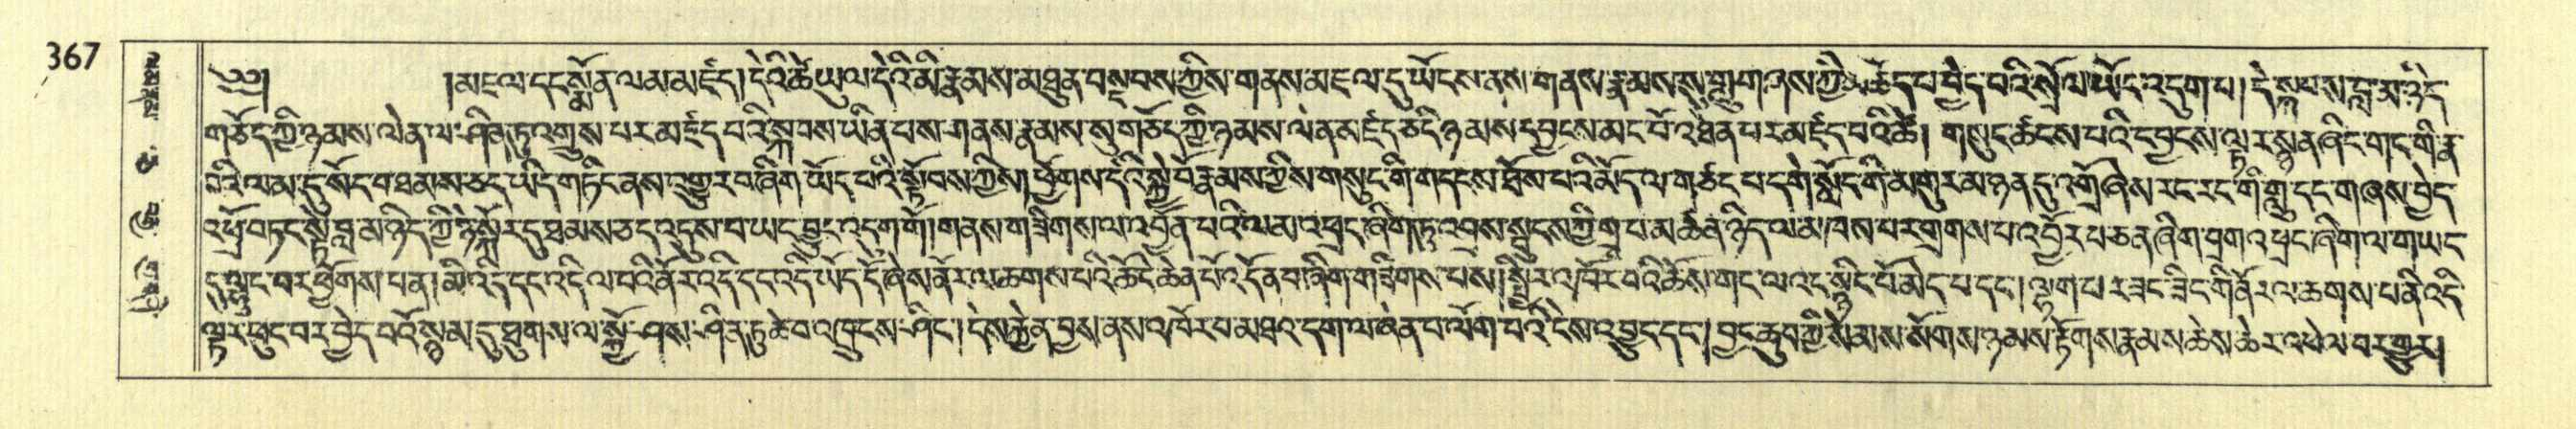༄༅། །མཇལ་དང་སྨོན་ལམ་མཛད། དེའི་ཚེ་ཡུལ་དེའི་མི་རྣམས་མཐུན་བསྔབས་ཀྱིས་གནས་མཇལ་དུ་ཡོངས་ནས་གནས་རྣམས་སུ་གླུ་གཞས་ཀྱི་མཆོད་པ་བྱེད་པའི་སྲོལ་ཡོད་འདུག་པ། དེ་སྐབས་བླ་མ་ཉིད་
གཅོད་ཀྱི་ཉམས་ལེན་ལ་ཤིན་ཏུ་འགྲུས་པར་མཛད་པའི་སྐབས་ཡིན་པས་གནས་རྣམས་སུ་གཅོད་ཀྱི་ཉམས་ལེན་མཛད་ཅིང་ཉམས་དབྱངས་མང་པོ་འཐོན་པར་མཛད་པའི་ཚེ། གསུང་ཚངས་པའི་དབྱངས་ལྟར་སྙན་ཞིང་གང་གི་རྣ་
བའི་ལམ་དུ་སོང་བ་ཐམས་ཅད་ཡིད་གཏིང་ནས་འགྱུར་བ་ཞིག་ཡོད་པའི་སྟོབས་ཀྱིས། ཕྱོགས་དེའི་སྐྱེ་བོ་རྣམས་ཀྱིས་གསུང་གི་གདངས་ཐོས་པའི་མོད་ལ་གཙང་པ་དགེ་སློང་གི་མགུར་མཉན་དུ་འགྲོ་ཞེས་རང་རང་གི་གླུ་དང་གཞས་བྱེད་
འཕྲོ་བཏང་སྟེ་བླ་མ་ཉིད་ཀྱི་ཉེ་སྐོར་དུ་ཐམས་ཅད་འདུས་པ་ཡང་བྱུང་འདུག་གོ །གནས་གཟིགས་ལ་འབྱོན་པའི་ལམ་འཕྲད་ཞིག་ཏུ་འབྲས་སྦུངས་ཀྱི་གྲྭ་པ་མཚན་ཉིད་ལ་མཁས་པར་གྲགས་པ་འབྱོར་པ་ཅན་ཞིག་བྲག་འཕྲང་ཞིག་ལ་གཡང་
དུ་ལྷུང་བར་ཕྱོགས་པ་ན། མི་འདི་དང་འདི་ལ་བའི་ནོར་འདི་དང་འདི་ཡོད་དོ་ཞེས་ནོར་ལ་ཆགས་པའི་ཆོ་དེ་ཆེན་པོ་འདོན་པ་ཞིག་གཟིགས་པས། སྤྱིར་འཁོར་བའི་ཆོས་གང་ལའང་སྙིང་པོ་མེད་པ་དང་། ལྷག་པར་ཟང་ཟིང་གི་ནོར་ལ་ཆགས་པ་ནི་འདི་
ལྟར་ཕུང་བར་བྱེད་པའོ་སྙམ་དུ་ཐུགས་ལ་སྐྱོ་ཤས་ཤིན་ཏུ་ཆེ་བ་འཁྲུངས་ཤིང་། དེས་རྐྱེན་བྱས་ནས་འཁོར་བ་མཐའ་དག་ལ་ཞེན་པ་ལོག་པའི་ངེས་འབྱུང་དང་། བྱང་ཆུབ་ཀྱི་སེམས་སོགས་ཉམས་རྟོགས་རྣམས་ཆེས་ཆེར་འཕེལ་བར་གྱུར།